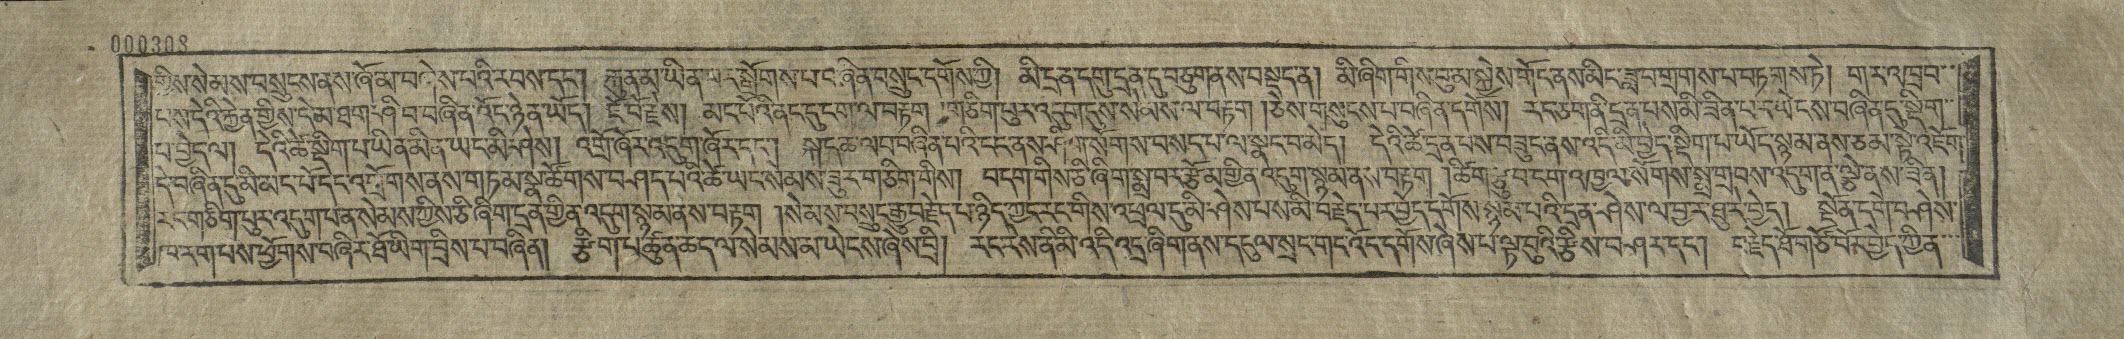གྱིས་སེམས་བསྲུངས་ནས་ཞོ་མ་བཞེས་པའི་རབས་དང་། རྐུན་མ་ཡིན་པར་སྒྲོགས་པ་བཞིན་བསྲུང་དགོས་ཀྱི། མི་དྲན་དགུ་དྲན་དུ་བཅུག་ནས་བསྡད་ན། མི་ཞིག་གིས་བུ་མ་སྐྱེས་གོང་ནས་མིང་ཟླ་བ་གྲགས་པ་བཏགས་ཏེ། གར་འཁྲབ་
པས་དེའི་རྐྱེན་གྱིས་དེ་མ་ཐག་ཤི་བ་བཞིན་འོང་ཉེན་ཡོད། ཇོ་བོ་རྗེས། མང་པོའི་ནང་དུ་ངག་ལ་བརྟག །གཅིག་པུར་འདུག་དུས་སེམས་ལ་བརྟག །ཅེས་གསུངས་པ་བཞིན་དགོས། རང་ཅག་ནི་དྲན་པས་མི་ཟིན་པར་ཡེངས་བཞིན་དུ་སྡིག་
པ་བྱེད་ལ། དེའི་ཚེ་སྡིག་པ་ཡིན་མིན་ཡང་མི་ཤེས། འགྲོ་ཞོར་འདུག་ཞོར་དང་། སྐད་ཆ་ལབ་བཞིན་པའི་ངང་ནས་ཤིག་སོགས་བསད་པ་ལ་སྣང་བ་མེད། དེའི་ཚེ་དྲན་པས་བཟུང་ནས་འདི་མི་བྱེད་སྡིག་པ་ཡོད་སྙམ་ནས་ཙམ་སྟེ་འཇོག་
དེ་བཞིན་དུ་མི་མང་པོ་དང་འགྲོགས་ནས་གཏམ་སྣ་ཚོགས་བཤད་པའི་ཚེ་ཡང་སེམས་ཟུར་གཅིག་གིས། བདག་གིས་ཅི་ཞིག་སྨྲ་བར་རྩོམ་གྱི་ན་འདུག་སྙམ་ནས་བརྟག །ཚིག་རྩུབ་ངག་འཁྱལ་སོགས་སྨྲ་གྲབས་འདུག་ན་ལྕེ་ནས་ཟིན།
རང་གཅིག་པུར་འདུག་པ་ན་སེམས་ཀྱིས་ཅི་ཞིག་དྲན་གྱིན་འདུག་སྙམ་ནས་བརྟག །སེམས་བསྲུང་རྒྱུ་བརྗེད་པ་ཉིད་ཀྱང་རང་གིས་འཕྲལ་དུ་མི་ཤེས་པས་མི་བརྗེད་པར་བྱེད་དགོས་སྙམ་པའི་དྲན་ཤེས་ལ་བྱ་ར་ཐུ་རེ་བྱེད། སྔོན་དགེ་བཤེས་
ཁ་རག་པས་ཕྱོགས་བཞིར་ཐོ་ཡིག་བྲིས་པ་བཞིན། རྩིག་པ་ཚུན་ཆད་ལ་སེམས་མ་ཡེངས་ཞེས་བྲི། རང་རེས་ནི་མི་འདི་འདྲ་ཞིག་ནས་དངུལ་སྲང་གང་འོང་དགོས་ཞེས་པ་ལྟ་བུའི་རྩིས་བཤར་དང་། བརྗེད་ཐོ་གཙོ་བོར་བྱེད་ཀྱི་ན་